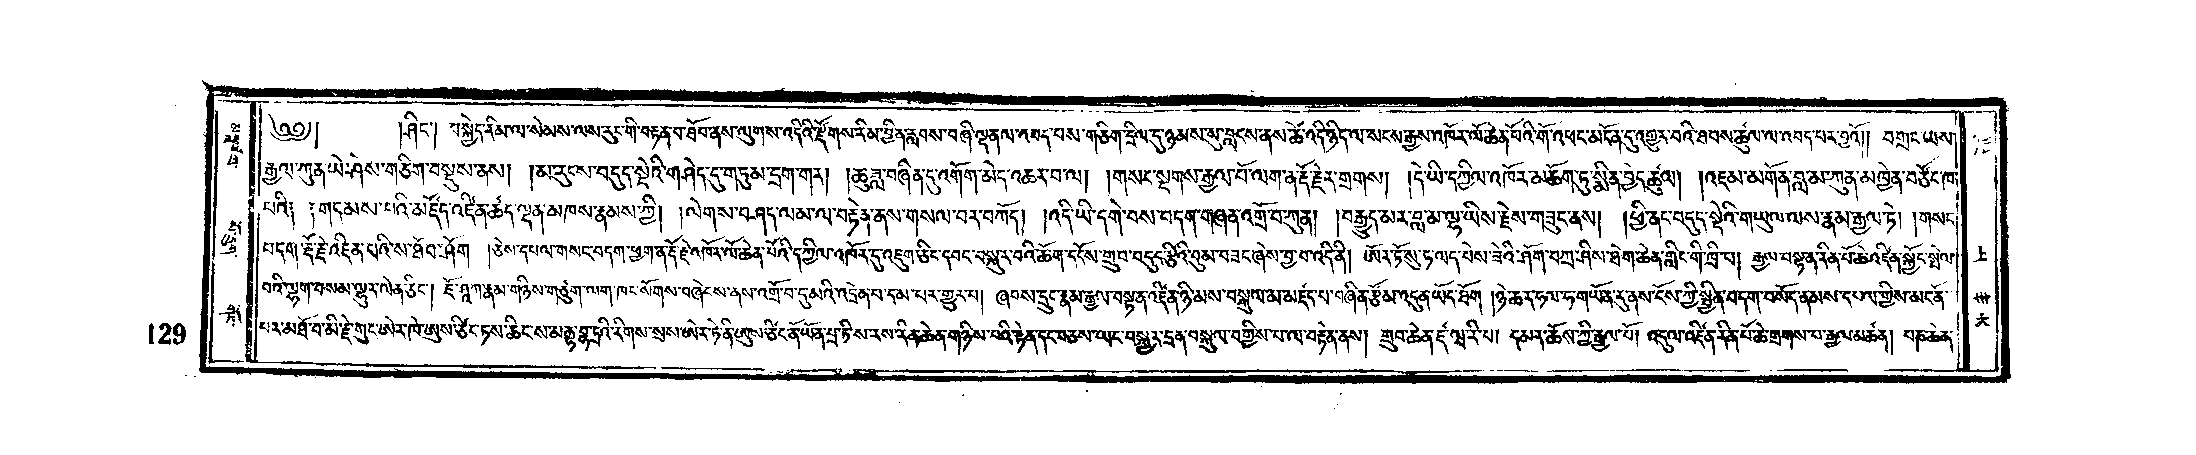༄༅། །ཤིང་། བསྐྱེད་རིམ་ལ་སེམས་ལས་རུང་གི་བརྟན་པ་ཐོབ་ནས་ལུགས་འདིའི་རྫོགས་རིམ་བྱིན་རླབས་བཞི་ལྡན་ལ་འབད་པས་གཅིག་དྲིལ་དུ་ཉམས་སུ་བླངས་ནས་ཚེ་འདི་ཉིད་ལ་སངས་རྒྱས་འཁོར་ལོ་ཆེན་པོའི་གོ་འཕང་མངོན་དུ་འགྱུར་བའི་ཐབས་ཚུལ་ལ་འབད་པར་བྱའོ། །བགྲང་ཡས་
རྒྱལ་ཀུན་ཡེ་ཤེས་གཅིག་བསྡུས་ནས། །མ་རུངས་བདུད་སྡེའི་གཤེད་དུ་གཏུམ་དྲག་གར། །ཆུ་ཟླ་བཞིན་དུ་འགོག་མེད་འཆར་བ་ལ། །གསང་སྔགས་རྒྱལ་པོ་ལག་ན་རྡོ་རྗེར་གྲགས། །དེ་ཡི་དཀྱིལ་འཁོར་མཆོག་ཏུ་སྨིན་བྱེད་ཚུལ། །འཇམ་མགོན་བླ་མ་ཀུན་མཁྱེན་བཙོང་ཁ་
པའི། །གདམས་པའི་མཛོད་འཛིན་ཚད་ལྡན་མཁས་རྣམས་ཀྱི། །ལེགས་བཤད་ལམ་ལ་བརྟེན་ནས་གསལ་བར་བཀོད། །འདི་ཡི་དགེ་བས་བདག་གཞན་འགྲོ་བ་ཀུན། །བརྒྱུད་མར་བླ་ལྷ་ཡིས་རྗེས་གཟུང་ནས། །ཕྱི་ནང་བདུད་སྡེའི་གཡུལ་ལས་རྣམ་རྒྱལ་ཏེ། གསང་
བདག་རྡོ་རྗེ་འཛིན་པའི་ས་ཐོབ་ཤོག །ཅེས་དཔལ་གསང་བདག་ཕྱག་ན་རྡོ་རྗེ་འཁོར་ལོ་ཆེན་པོའི་དཀྱིལ་འཁོར་དུ་འཇུག་ཅིང་དབང་བསྐུར་བའི་ཆོ་ག་དངོས་གྲུབ་བདུད་རྩིའི་བུམ་བཟང་ཞེས་བྱ་བ་འདི་ནི། ཨོར་ཏོ་སུ་ཏ་ལད་པེས་ཟེའི་ཤོག་བཀྲ་ཤིས་ཐེག་ཆེན་གླིང་གི་ཁྲི་པ། རྒྱལ་བསྟན་རིན་པོ་ཆེ་འཛིན་སྐྱོང་སྤེལ་
བའི་ལྷག་བསམ་ལྷུར་ལེན་ཅིང་། ཇོ་ཤཱཀ་རྣམ་གཉིས་གཙུག་ལག་ཁང་སོགས་བཞེངས་ནས་འགྲོ་བ་དུ་མའི་འདྲེན་པ་དམ་པར་གྱུར་པ། ཞབས་དྲུང་རྣམ་རྒྱལ་བསྟན་འཛིན་ཉི་མས་བསྐུལ་མ་མཛད་པ་བཞིན་རྩོམ་འདུན་ཡོད་ཐོག །ཉེ་ཆར་ཧལ་ཧ་གཡོན་རུ་ནས་ངོས་ཡི་སྦྱིན་བདག་བསོད་ནམས་དཔལ་གྱིས་མངོན་
པར་མཐོ་བ་ཇི་རྗེ་གུང་ཨེར་ཁེ་ཨུས་ཙིང་ཏས་ཅིང་ས་མནྟ་བྷ་དྲའི་རིགས་སྲས་ཨེར་ཏེ་ནི་ཨུས་ཙིང་ནོ་ཡོན་པྲ་ཏི་ས་རས་རིན་ཆེན་གཉིས་པའི་རྟེན་དང་བཅས་ཡང་བསྐྱར་དྲན་བསྐུལ་བགྱིས་པ་ལ་བརྟེན་ནས། གྲུབ་ཆེན་ཛ་ཝ་རི་པ། དམར་ཆོས་ཀྱི་རྒྱལ་པོ། འདུལ་འཛིན་རིན་པོ་ཆེ་གྲགས་པ་རྒྱལ་མཚན། པཎ་ཆེན་